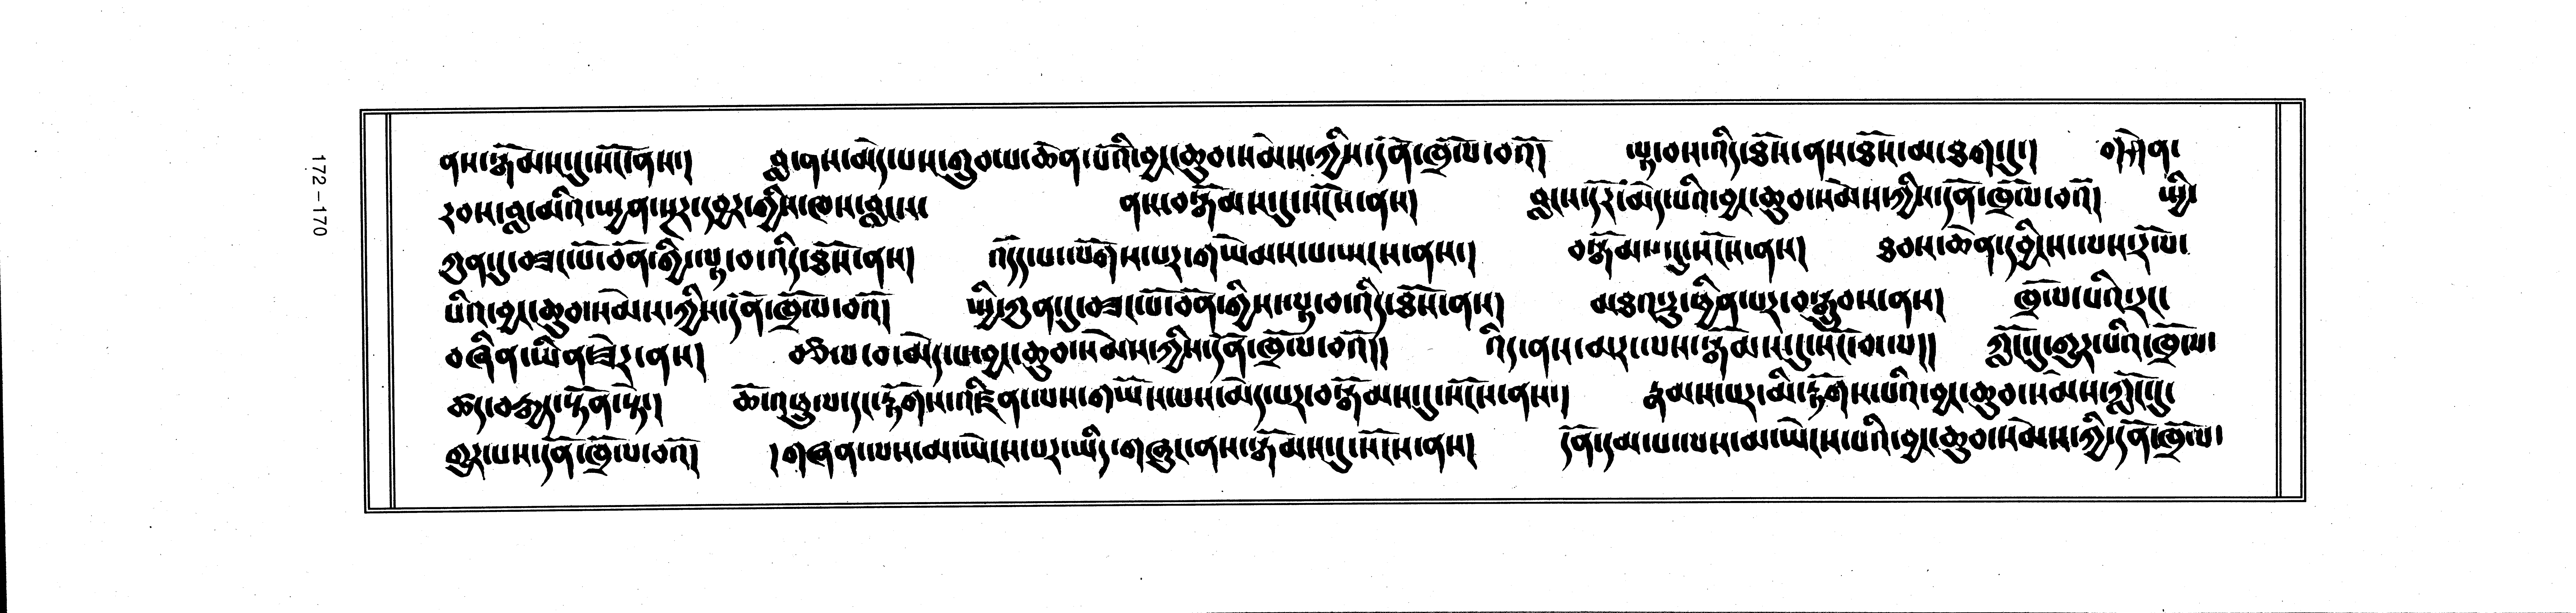སྒོམས་དུ་སོང་ནས། བླ་ནས་མེད་པས་གྲུབ་པ་ཆེན་པོའི་བྱང་ཆུབ་སེམས་ཀྱིས་དོན་ཁྲོལ་བའོ། ལྟ་བས་འདི་ཐོས་ནས་ཐོས་མ་ཐག་དུ། གཤེན་
རབ་བླ་མའི་སྤྱན་སྔར་དབྱར་གྱིས་ཁས་བླངས་ནས་བསྒོམས་དུ་སོངས་ནས། བླང་དོར་མེད་པའི་བྱང་ཆུབ་སེམས་ཀྱིས་དོན་ཁྲོལ་བའོ། སྤྱི་
ཀུན་ཏུ་བཟང་པོ་བོན་གྱི་ལྟ་བ་འདི་ཐོས་ནས། འདོད་པ་ལོག་པར་གཡེམས་པ་སྤངས་ནས། བསྒོམས་དུ་སོངས་ནས། ཐབས་ཆེན་དབྱིངས་ལས་རོལ་
པའི་བྱང་ཆུབ་སེམས་ཀྱིས་དོན་ཁྲོལ་བའོ། སྤྱི་ཀུན་ཏུ་བཟང་པོ་བོན་གྱིས་ལྟ་བ་འདི་ཐོས་ནས། མཐའ་རུ་ཕྱིན་པར་བསྒྲུབས་ནས། ཁྲོལ་པའི་རང་
བཞིན་ཡིན་ཟེར་ནས། བཙལ་བ་མེད་པ་བྱང་ཆུབ་སེམས་ཀྱིས་དོན་ཁྲོལ་བའོ། འདི་ནས་མར་ལས་སྒོམས་དུ་སོང་བ་ལ། ཀློང་དུ་གྱུར་བའི་ཁྲོལ་
ཚད་བརྒྱད་སྟོན་སྟེ། ཆོ་འཕྲུལ་དང་རྟོགས་འཛིན་ལས་གཡོས་པ་མེད་པར་བསྒོམས་དུ་སོངས་ནས། རྣམས་པར་མི་རྟོགས་པའི་བྱང་ཆུབ་སེམས་ཀློང་དུ་
གྱུར་པས་དོན་ཁྲོལ་བའོ། གཞན་ལས་མ་ཡེངས་པར་ཡིད་གཞུང་ནས་སྒོམས་དུ་སོངས་ནས། དོན་དམ་པ་ལས་མ་ཡེངས་པའི་བྱང་ཆུབ་སེམས་ཀྱིས་དོན་ཁྲོལ་བའོ།